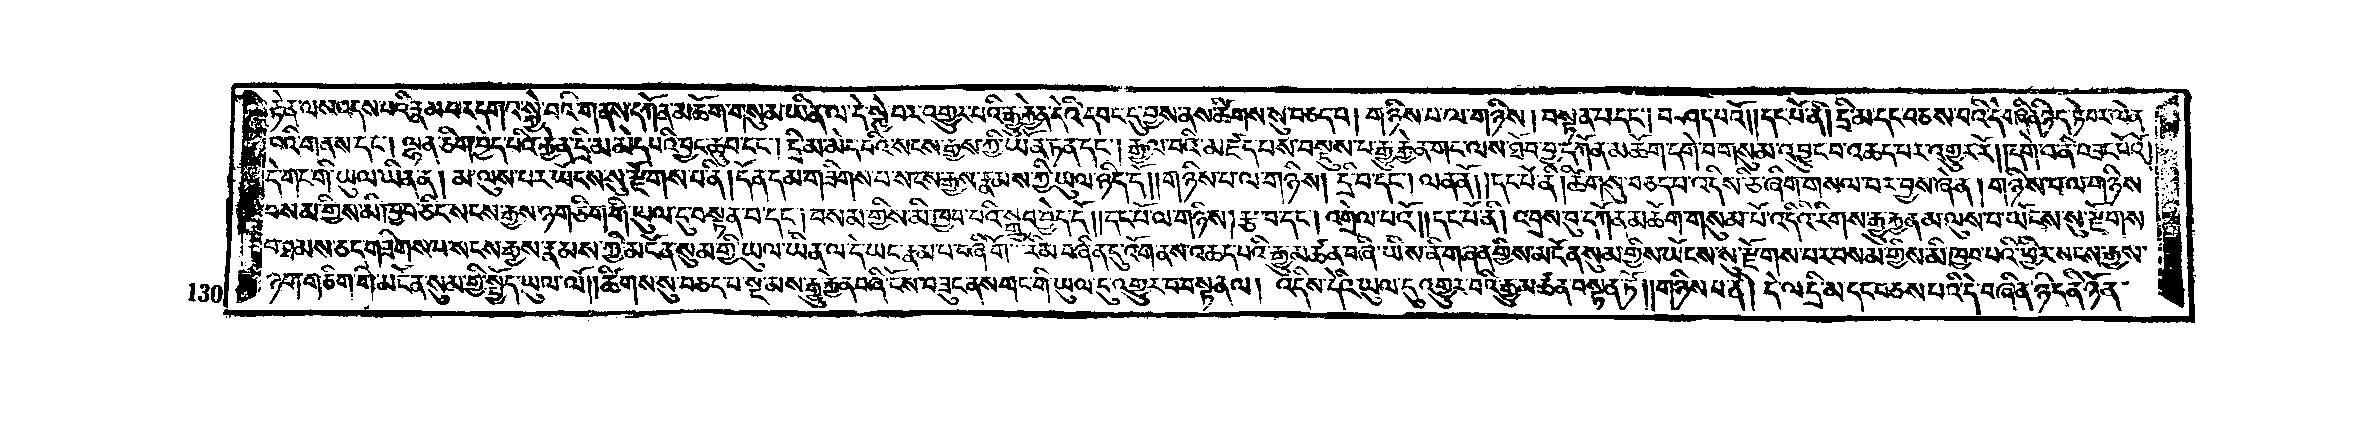རྟེན་ལས་འདས་པའི་རྣམ་པར་དགའ་སྐྱེ་བའི་གནས་དཀོན་མཆོག་གསུམ་ཡིན་ལ་དེ་སྐྱེ་བར་འགྱུར་བའི་རྒྱུ་རྐྱེན་དེའི་དབང་དུ་བྱས་ནས་ཚིགས་སུ་བཅད་པ། གཉིས་པ་ལ་གཉིས། བསྟན་པ་དང་། བཤད་པའོ། །དང་པོ་ནི། དྲི་མ་དང་བཅས་པའི་དེ་བཞིན་ཉིད་ཉེ་བར་ལེན་
པའི་གནས་དང་། ལྷན་ཅིག་བྱེད་པའི་རྐྱེན་དྲི་མ་མེད་པའི་བྱང་ཆུབ་དང་། དྲི་མ་མེད་པའི་སངས་རྒྱས་ཀྱི་ཡོན་ཏན་དང་། རྒྱལ་བའི་མཛད་པས་བསྡུས་པ་རྒྱུ་རྐྱེན་གང་ལས་ཐོབ་བྱ་དཀོན་མཆོག་དགེ་བ་གསུམ་འབྱུང་བ་འཆད་པར་འགྱུར་རོ། །དགེ་བ་ནི་བཟང་པོའོ།
དེ་གང་གི་ཡུལ་ཡིན་ན། མ་ལུས་པར་ཡོངས་སུ་རྫོགས་པ་ནི། དོན་དམ་གཟིགས་པ་སངས་རྒྱས་རྣམས་ཀྱི་ཡུལ་ཉིད་དོ། །གཉིས་པ་ལ་གཉིས། དྲི་བ་དང་། ལན་ནོ། །དང་པོ་ནི། ཚིགས་སུ་བཅད་པ་འདིས་ཅི་ཞིག་གསལ་བར་བྱས་ཞེ་ན། གཉིས་པ་ལ་གཉིས་
བསམ་གྱིས་མི་ཁྱབ་ཅིང་སངས་རྒྱས་ཉ་གཅིག་གི་ཡུལ་དུ་བསྟན་པ་དང་། བསམ་གྱིས་མི་ཁྱབ་པའི་སྒྲུབ་བྱེད་དོ། །དང་པོ་ལ་གཉིས། རྩ་བ་དང་། འགྲེལ་པའོ། །དང་པོ་ནི། འབྲས་བུ་དཀོན་མཆོག་གསུམ་པོ་འདིའི་རིགས་རྒྱུ་རྐྱན་མ་ལུས་པ་ཡོངས་སུ་རྫོགས་
པ་ཐམས་ཅད་གཟིགས་པ་སངས་རྒྱས་རྣམས་ཀྱི་མངོན་སུམ་གྱི་ཡུལ་ཡིན་ལ་དེ་ཡང་རྣམ་པ་བཞི་གོ་རིམ་བཞིན་དུ་འོག་ནས་འཆད་པའི་རྒྱུ་མཚན་བཞི་ཡིས་ནི་གཞན་གྱིས་མངོན་སུམ་གྱིས་ཡོངས་སུ་རྫོགས་པར་བསམ་གྱིས་མི་ཁྱབ་པའི་ཕྱིར་སངས་རྒྱས་
ཉག་གཅིག་གི་མངོན་སུམ་གྱི་སྤྱོད་ཡུལ་ལོ། །ཚིགས་སུ་བཅད་པ་སྔ་མས་རྒྱུ་རྐྱེན་བཞི་ངོས་བཟུང་ནས་གང་གི་ཡུལ་དུ་འགྱུར་བ་བསྟན་ལ། འདིས་དེའི་ཡུལ་དུ་འགྱུར་པའི་རྒྱུ་མཚན་བསྟན་ཏོ། །གཉིས་པ་ནི། དེ་ལ་དྲི་མ་དང་བཅས་པའི་དེ་བཞིན་ཉིད་ནི་ཉོན་